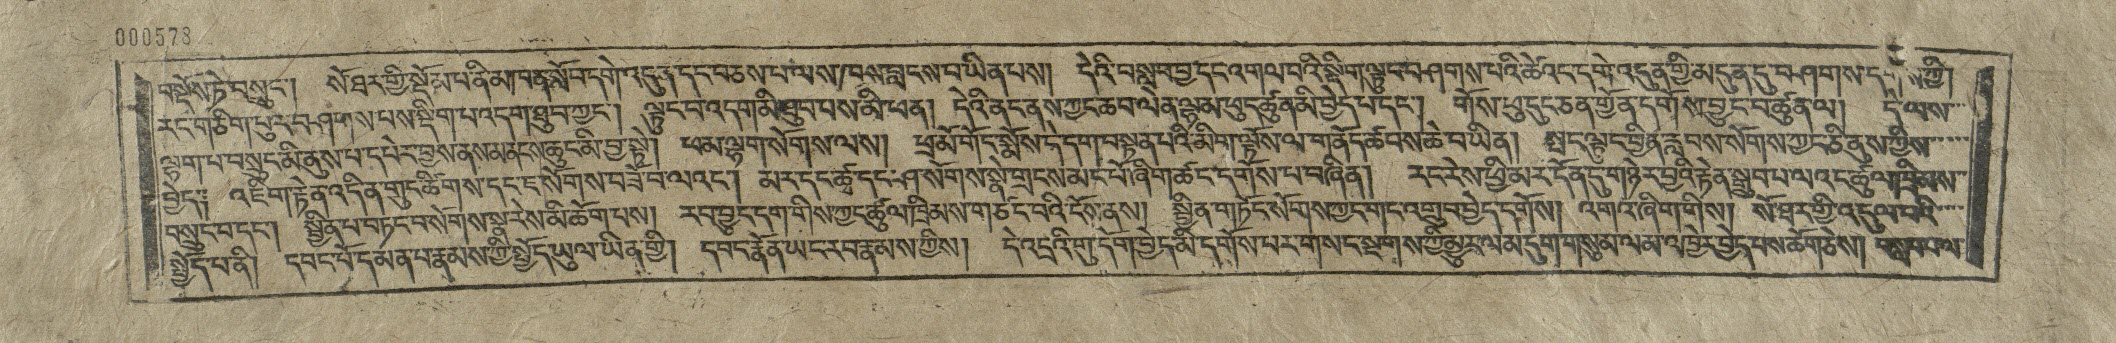བསྡོས་ཏེ་བསྲུང་། སོ་ཐར་གྱི་སྡོམ་པ་ནི་མཁན་སློབ་དགེ་འདུན་དང་བཅས་པ་ལས་ཁས་བླངས་པ་ཡིན་པས། དེའི་བསླབ་བྱ་དང་འགལ་བའི་སྡིག་ལྟུང་བཤགས་པའི་ཚེའང་དགེ་འདུན་གྱི་མདུན་དུ་བཤགས་དགོས་ཀྱི།
རང་གཅིག་པུར་བཤགས་པས་སྡིག་པ་འདག་ཐུབ་ཀྱང་། ལྟུང་བ་འདག་མི་ཐུབ་པས་མི་ཕན། དེའི་ནང་ནས་ཀྱང་ཆབ་ལེན་ལྷམ་ཕུད་ཚུན་མི་བྱེད་པ་དང་། གོས་ཕུ་དུང་ཅན་གྱོན་དགོས་བྱུང་བ་ཚུན་ལ། དེ་ལས་
ལྷག་པ་བསྲུང་མི་ནུས་པ་དཔེར་བྱས་ནས་མནངས་ཆུང་མི་བྱ་སྟེ། ཕམ་ལྷག་སོགས་ལས། ཕྲ་མོ་གོང་སྨོས་དེ་དག་བསྟན་པའི་མིག་ལྟོས་ལ་གནོད་ཚབས་ཆེ་བ་ཡིན། སྤང་ལྟུང་བྱིན་རླབས་སོགས་ཀྱང་ཅི་ནུས་ཀྱིས་
བྱེད༑ འཇིག་རྟེན་འདི་ན་གུང་ཚིགས་དང་ཇ་སོགས་བཟོ་པ་ལའང་། མར་དང་ཚྭ་དང་ཤ་སོགས་སྣེ་གྲངས་མང་པོ་ཞིག་ཚང་དགོས་པ་བཞིན། རང་རེས་ཕྱི་མར་དོན་དུ་གཉེར་བྱའི་རྟེན་སྒྲུབ་པ་ལའང་ཚུལ་ཁྲིམས་
བསྲུང་བ་དང་། སྦྱིན་པ་བཏང་བ་སོགས་སྣ་རེས་མི་ཆོག་པས། རབ་བྱུང་དག་གིས་ཀྱང་ཚུལ་ཁྲིམས་གཙང་བའི་ངོས་ནས། སྦྱིན་གཏོང་སོགས་ཀྱང་གང་འགྲུབ་བྱེད་དགོས། འགའ་ཞིག་གིས། སོ་ཐར་གྱི་འདུལ་བའི་
སྤྱོད་པ་ནི། དབང་པོ་དམན་པ་རྣམས་ཀྱི་སྤྱོད་ཡུལ་ཡིན་གྱི། དབང་རྣོན་ཡང་རབ་རྣམས་ཀྱིས། དེ་འདྲའི་གུ་དོག་བྱེད་མི་དགོས་པར་གསང་སྔགས་ཀྱི་མྱུར་ལམ་དུག་གསུམ་ལམ་འཁྱེར་བྱེད་པས་ཆོག་ཅེས། བསླབ་པ་ལ་